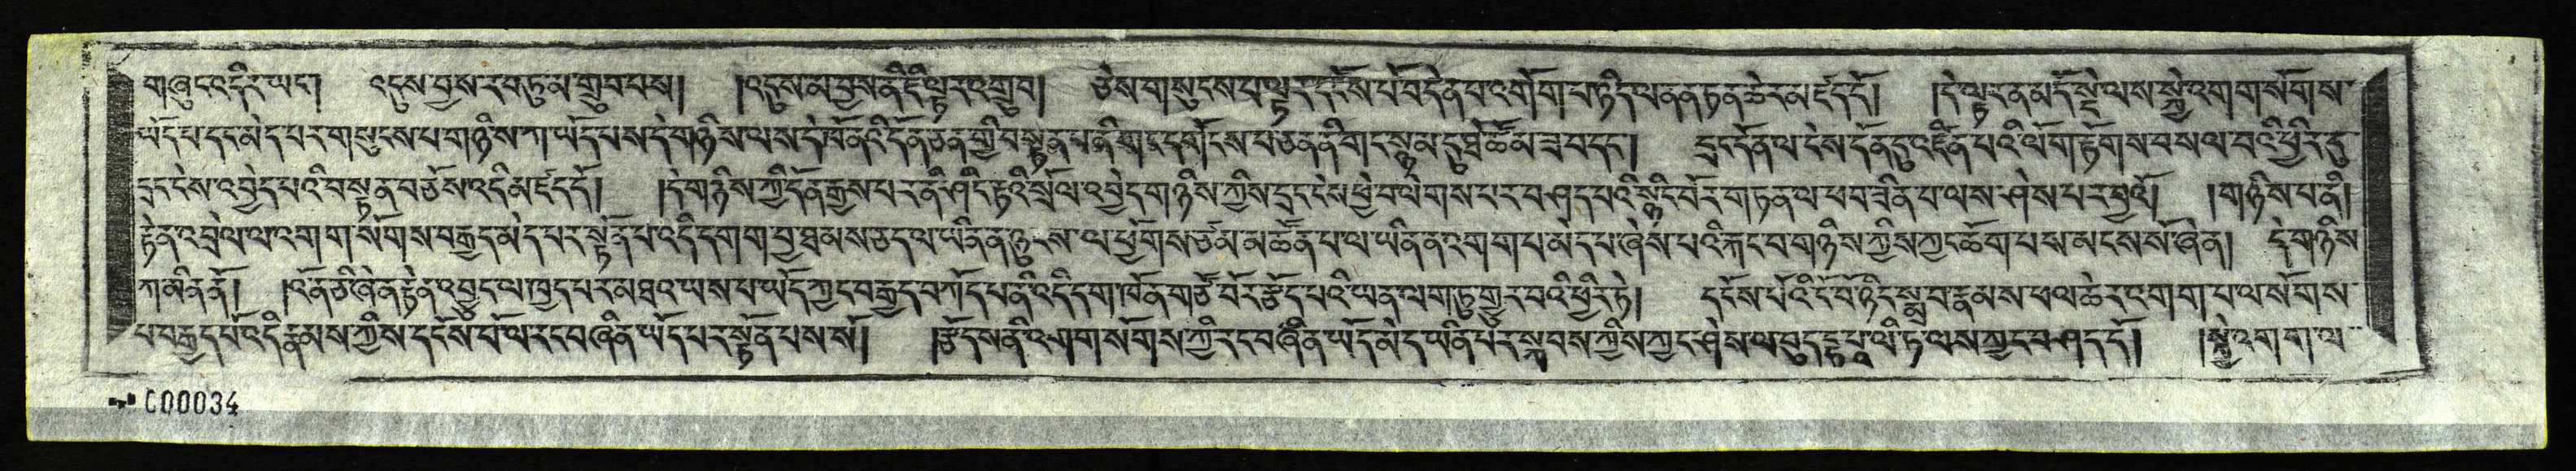གཞུང་འདིར་ཡང་། འདུས་བྱས་རབ་ཏུ་མ་གྲུབ་པས། །འདུས་མ་བྱས་ནི་ཇི་ལྟར་འགྲུབ། ཅེས་གསུངས་པ་ལྟར་དངོས་པོ་བདེན་པ་འགོག་པ་ཉིད་ལ་ནན་ཏན་ཆེར་མཛད་དོ། །དེ་ལྟར་ན་མདོ་སྡེ་ལས་སྐྱེ་འགག་སོགས་
ཡོད་པ་དང་མེད་པར་གསུངས་པ་གཉིས་ཀ་ཡོད་པས་དེ་གཉིས་ལས་དེ་ཁོ་ནའི་དོན་ཅན་གྱི་བསྟན་པ་ནི་གང་དགོངས་པ་ཅན་ནི་གང་སྙམ་དུ་ཐེ་ཚོམ་ཟ་བ་དང་། དྲང་དོན་ལ་ངེས་དོན་དུ་འཛིན་པའི་ལོག་རྟོགས་བསལ་བའི་ཕྱིར་དུ་
དྲང་ངེས་འབྱེད་པའི་བསྟན་བཅོས་འདི་མཛད་དོ། །དེ་གཉིས་ཀྱི་དོན་རྒྱས་པར་ནི་ཤིང་རྟའི་སྲོལ་འབྱེད་གཉིས་ཀྱིས་དྲང་ངེས་ཕྱེ་བ་ལེགས་པར་བཤད་པའི་སྙིང་པོར་གཏན་ལ་ཕབ་ཟིན་པ་ལས་ཤེས་པར་བྱའོ། །གཉིས་པ་ནི།
རྟེན་འབྲེལ་ལ་འགག་སོགས་བརྒྱད་མེད་པར་སྟོན་པ་འདི་དགག་བྱ་ཐམས་ཅད་ལ་ཡིན་ན་ཉུངས་ལ་ཕྱོགས་ཙམ་མཚོན་པ་ལ་ཡིན་ན་འགག་པ་མེད་པ་ཞེས་པའི་རྐང་བ་གཉིས་ཀྱིས་ཀྱང་ཆོག་པས་མངས་སོ་ཞེ་ན། དེ་གཉིས་
ཀ་མིན་ནོ། །འོ་ན་ཅི་ཞེ་ན་རྟེན་འབྱུང་ལ་ཁྱད་པར་མཐའ་ཡས་པ་ཡོད་ཀྱང་བརྒྱད་བཀོད་པ་ནི་འདི་དག་ཁོ་ན་གཙོ་བོར་རྩོད་པའི་ཡན་ལག་ཏུ་གྱུར་བའི་ཕྱིར་ཏེ། དངོས་པོའི་ངོ་བོ་ཉིད་སྨྲ་བ་རྣམས་ཕལ་ཆེར་འགག་པ་ལ་སོགས་
པ་བརྒྱད་པོ་འདི་རྣམས་ཀྱིས་དངོས་པོ་ལ་རང་བཞིན་ཡོད་པར་སྟོན་པས་སོ། །རྩོད་ས་ནི་འགག་སོགས་ཀྱི་རང་བཞིན་ཡོད་མེད་ཡིན་པར་སྐབས་ཀྱིས་ཀྱང་ཤེས་ལ་བུད་དྷ་པཱ་ལི་ཏ་ལས་ཀྱང་བཤད་དོ། །སྐྱེ་འགག་ལ་